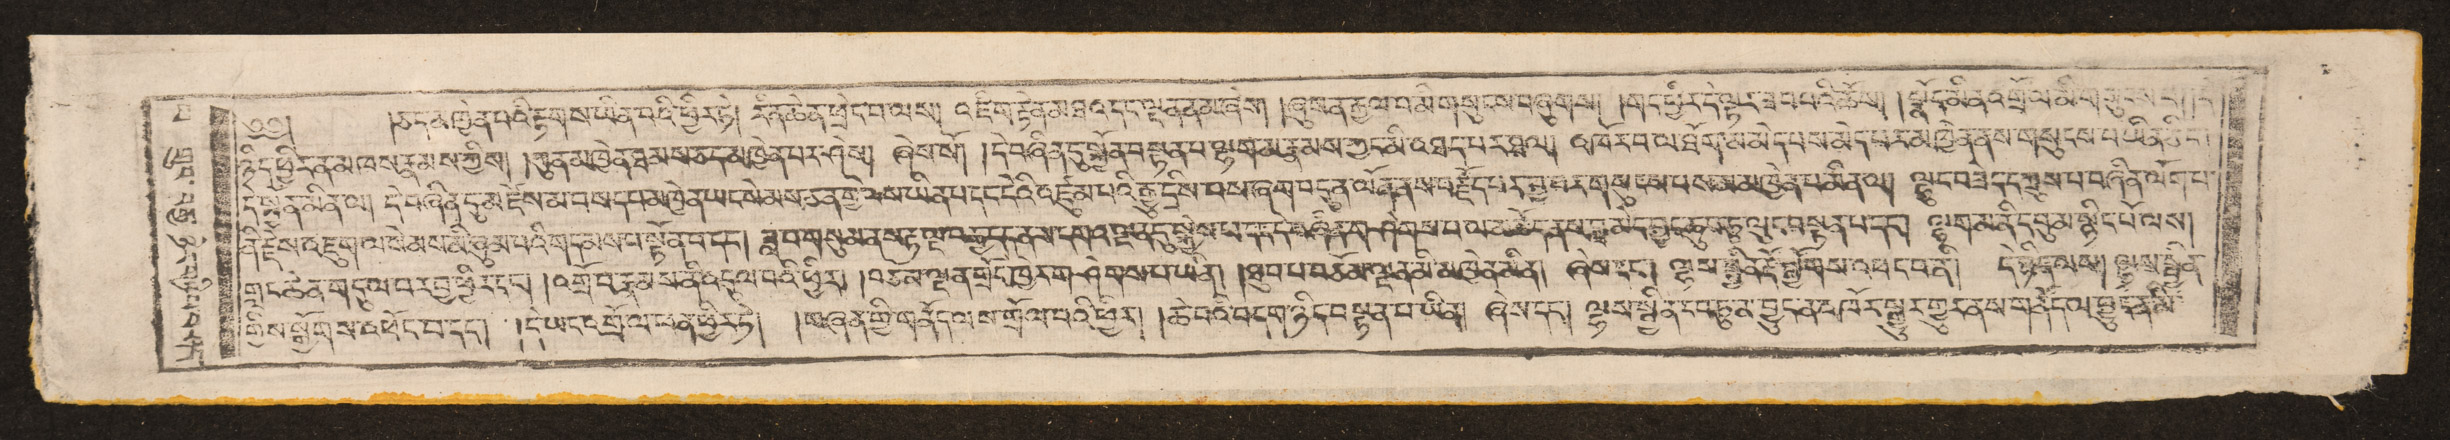༄༅། །ཅད་མཁྱེན་པའི་རྟགས་ཡིན་པའི་ཕྱིར་ཏེ། རིན་ཆེན་ཕྲེང་བ་ལས། འཇིག་རྟེན་མཐའ་དང་ལྡན་ནམ་ཞེས། །ཞུས་ན་རྒྱལ་བ་མི་གསུངས་བཞུགས། །གང་ཕྱིར་དེ་ལྟར་ཟབ་པའི་ཆོས། །སྣོད་མིན་འགྲོལ་མི་གསུངས་པ། །དེ་
ཉིད་ཕྱིར་ན་མཁས་རྣམས་ཀྱིས། །ཀུན་མཁྱེན་ཐམས་ཅད་མཁྱེན་པར་ཤེས། ཞེས་སོ། །དེ་བཞིན་དུ་སྐྱོན་བསྟན་པ་ལྷག་མ་རྣམས་ཀྱང་མི་འཐད་པར་ཐལ། འཁོར་བ་ལ་ཐོག་མ་མེད་པས་མེད་པར་མཁྱེན་ནས་གསུངས་པ་ཡིན་ཅིང་།
དེ་སྐྱོན་མིན་ལ། དེ་བཞིན་དུ་མཛེས་མ་བསད་པ་མཁྱེན་ཡང་སེམས་ཅན་གྱི་ལས་ཡིན་པ་དང་དེའི་འཛུམ་པའི་རྒྱུ་དྲིས་པས་ཞག་བདུན་ལོན་ནས་བརྗོད་པར་བྱ་བར་གསུངས་པས་མ་མཁྱེན་པ་མིན་ལ། ལྷུང་བཟེད་དཀྲུས་པ་བཞིན་ལོག་པ་
ནི་རྗེས་འཇུག་ལ་སེམས་མི་ཞུམ་པའི་གདམས་བསྟོན་པ་དང་། ཟླ་བ་གསུམ་ནས་རྟ་ལྔ་བརྒྱ་དད་ནས་དགའ་ལྡན་དུ་སྐྱེས་པ་དང་དེ་བཞིན་གཤེགས་པ་ལ་མཆོད་ནས་བླ་མེད་བྱང་ཆུབ་ཏུ་ལུང་བསྟན་པ་དང་། ལྷག་མ་ནི་དབུ་མ་སྙིང་པོ་ལས།
གླང་ཆེན་གདུལ་བར་བྱ་ཕྱིར་དང་། །འགྲོ་བ་རྣམས་ནི་འདུལ་བའི་ཕྱིར། །བཅོམ་ལྡན་གྲོང་ཁྱེར་གཤེགས་པ་ཡིན། །ཐུབ་པ་བཅོམ་ལྡན་མི་མཁྱེན་མིན། ཞེས་དང་། ལྷས་སྦྱིན་རྡོ་སྒྱོགས་འཕང་བ་ནི། དེ་ཉིད་ལས། ལྷས་སྦྱིན་
གྱིས་སྒྱོགས་འཕོང་བ་དང་། །དེ་ཡང་འགྲོ་ལ་ཕན་ཕྱིར་ཏེ། །གཞན་གྱི་གནོད་ལས་གྲོལ་བའི་ཕྱིར། །ཆེ་བའི་བདག་ཉིད་བསྟན་པ་ཡིན། ཞེས་དང་། ལྷས་སྦྱིན་རབ་ཏུ་མ་བྱུང་ན་འཁོར་སྒྱུར་གྱུར་ནས་གནོད་ལ་གྱུར་ན་མི་